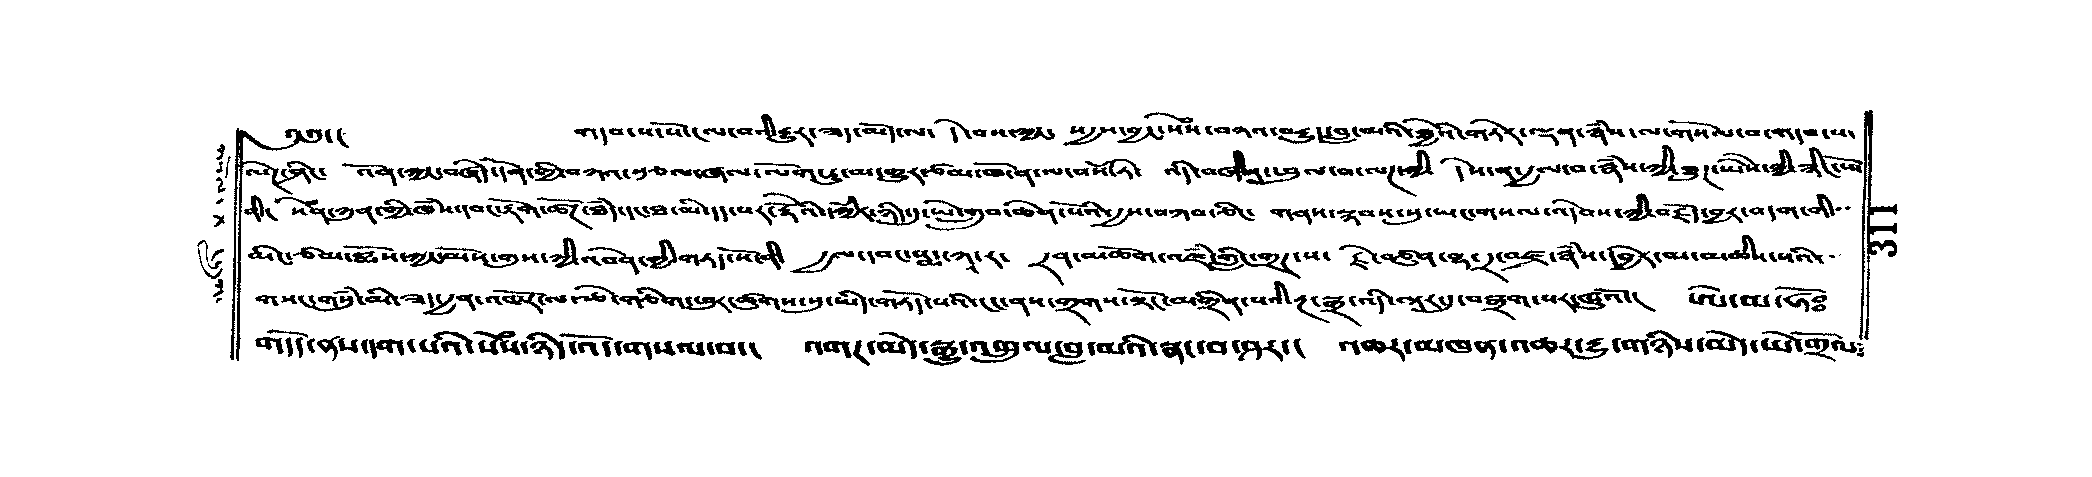གདབ་པ་པོ་ངལ་བའི་རྒྱུད་ཟད་མོད་ལ། དེ་བས་ཀྱང་། སངས་རྒྱས་བྱང་སེམས་བཀའ་བརྒྱུད་བླ་མ་ཐུགས་རྗེའི་གཏེར་ལྡན་རྣམས་ལ་གསོལ་བ་གདབ་པ་
ལེགས་ཤིང་། འོན་ཀྱང་བཞེད་དོན་གྱི་བཀའ་སྩལ་ཞལ་ལོག་ཏུ་མ་གྱུར་ཙམ་ཁོ་ན་ལ་བསམ་ཏེ། འདི་བཞིན་ཕུལ་བ་ལགས་ཀྱི་དེས་ན་རྒྱལ་བ་རྣམས་ཀྱི་ཐུགས་ཡེ་ཤེས་ཀྱི་སྙིང་པོ་
ནི། སེམས་ཅན་ཀུན་གྱི་ཁམས་དབང་རྟོག་ཚོགས་ཐམས་ཅད་དང་ཐ་མི་དད་པར་རྡོ་རྗེའི་དཀྱིལ་འཁོར་ཉིད་དུ་ཡེ་གྲུབ་ཆེན་པོའི་རྒྱས་བཀབ་ཅིང་། གནས་སྐབས་སུ་ཡང་གསོལ་འདེབས་ཀྱི་བརྗོད་བྱར་བདག་གི་
མིང་ཙམ་སྨོས་ཀྱང་མོས་གུས་ཀྱི་འབེན་གྱི་གཏད་སོ་ནི། རྒྱལ་དབང་པདྨ་ཀཱ་ར། དྲན་མཆོག་འཛམ་གླིང་གྲགས་པ། རྗེ་བཙུན་བྷ་དྲ་བཛྲ་རྣམས་དབྱེར་མ་མཆིས་པའི་
གསང་གསུམ་མི་ཟད་རྒྱན་འཁོར་ལ་རྩེ་གཅིག་ཕུར་ཚུགས་སུ་ཡིད་གཏོད་པའི་ངང་ནས་གྲགས་སྟོང་མགྲིན་པའི་རྔ་སྒྲ་འདི་ལྟར་དུ་བསྒྲག་པར་ཞུའོ།། ཨེ་མ་ཧོཿ 
གདོད་ནས་དག་པའི་སེམས་ཉིད་འོད་གསལ་བ། །འགགས་མེད་སྒྱུ་འཕྲུལ་བླ་མའི་སྣང་བ་ཤར། །འཆར་མཁན་འཆར་རྒྱུ་གཉིས་མེད་ཡེ་གྲོལ་